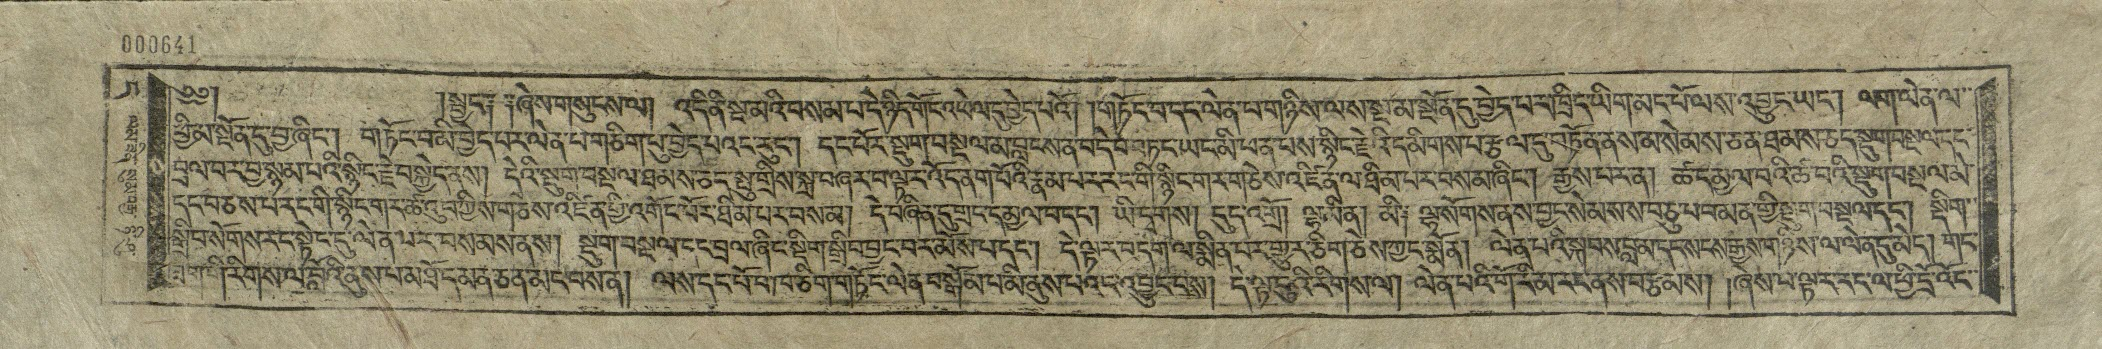༄༅། །སྦྱང༑ ༑ཞེས་གསུངས་ལ། འདི་ནི་སྔ་མའི་བསམ་པ་དེ་ཉིད་གོང་འཕེལ་དུ་བྱེད་པའོ། །གཏོང་བ་དང་ལེན་པ་གཉིས་ལས་སྔ་མ་སྔོན་དུ་བྱེད་པར་ཁྲིད་ཡིག་མང་པོ་ལས་འབྱུང་ཡང་། ལག་ལེན་ལ་
ཕྱི་མ་སྔོན་དུ་བྱ་ཞིང་། གཏོང་བ་མི་བྱེད་པར་ལེན་པ་གཅིག་པུ་བྱེད་པའང་རུང་། དང་པོར་སྡུག་བསྔལ་མ་བླངས་ན་བདེ་བ་བཏང་ཡང་མི་ཕན་པས་སྙིང་རྗེའི་དམིགས་པ་རྩལ་དུ་བཏོན་ནས་མ་སེམས་ཅན་ཐམས་ཅད་སྡུག་བསྔལ་དང་
བྲལ་བར་བྱ་སྙམ་པའི་སྙིང་རྗེ་བསྐྱེད་ནས། དེའི་སྡུག་བསྔལ་ཐམས་ཅད་སྤུ་གྲིས་སྐྲ་བཞར་བ་ལྟར་འོད་ནག་པོའི་རྣམ་པར་རང་གི་སྙིང་གར་གཅེས་འཛིན་ལ་ཐིམ་པར་བསམ་ཞིང་། རྒྱས་པར་ན། ཚ་དམྱལ་བའི་ཚ་བའི་སྡུག་བསྔལ་མེ་
དང་བཅས་པ་རང་གི་སྙིང་གར་ཚ་འུབ་ཀྱིས་གཅེས་འཛིན་གྱི་འགོང་པོར་ཐིམ་པར་བསམ། དེ་བཞིན་དུ་གྲང་དམྱལ་བ་དང་། ཡི་དྭགས། དུད་འགྲོ། ལྷ་མིན། མི༑ ལྷ་སོགས་ནས་བྱང་སེམས་ས་བཅུ་པ་བ་མན་གྱི་སྡུག་བསྔལ་དང་། སྡིག་
སྒྲིབ་སོགས་རང་སྟེང་དུ་ལེན་པར་བསམས་ནས། སྡུག་བསྔལ་དང་བྲལ་ཞིང་སྡིག་སྒྲིབ་བྱང་བར་མོས་པ་དང་། དེ་ལྟར་བདག་ལ་སྨིན་པར་གྱུར་ཅིག་ཅེས་ཀྱང་སྨོན། ལེན་པའི་སྐབས་བླ་མ་དང་སངས་རྒྱས་གཉིས་ལ་ལེན་དུ་མེད། གང་
ཟག་གི་རིགས་ལ་བློའི་ནུས་པ་མཐོ་དམན་ཅན་མང་བས་ན། ལས་དང་པོ་བ་ཁ་ཅིག་གཏོང་ལེན་བསྒོམ་པ་མི་ནུས་པའང་འབྱུང་བས། དེ་ལྟ་བུའི་རིགས་ལ། ལེན་པའི་གོ་རིམ་རང་ནས་བརྩམས། །ཞེས་པ་ལྟར་རང་ལ་ཕྱི་དྲོ་འོང་